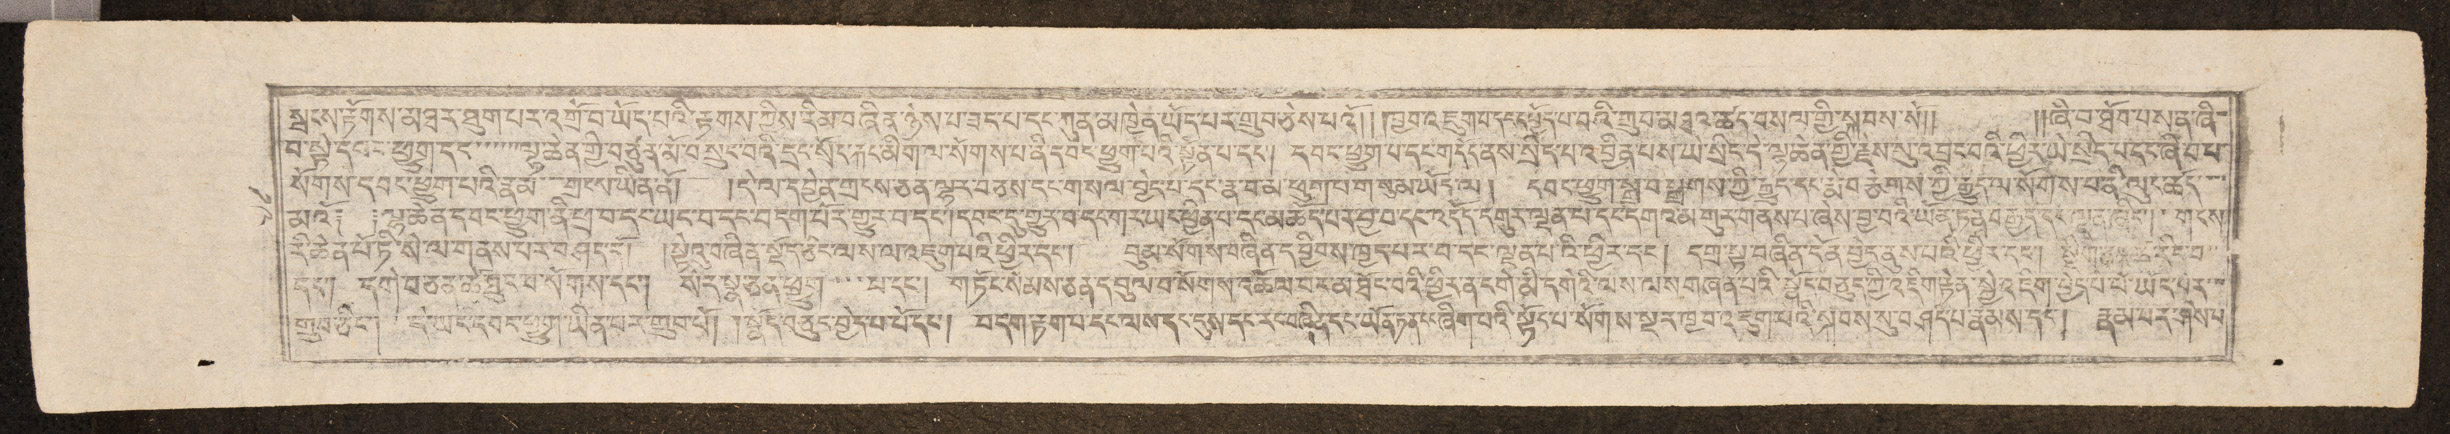སྤངས་རྟོགས་མཐར་ཐུག་པར་འགྲོ་བ་ཡོད་པའི་རྟགས་ཀྱིས་རིམ་བཞིན་ཉེས་པ་ཟད་པ་དང་ཀུན་མཁྱེན་ཡོད་པར་གྲུབ་ཅེས་པའོ། །ཁྱབ་འཇུག་པ་དང་དཔྱོད་པ་བའི་གྲུབ་མཐའ་ཚད་བསལ་གྱི་སྐབས་སོ།། །།ཞི་བ་ཐོབ་པས་ན་ཞི་
བ་སྟེ་དབང་ཕྱུག་དང་ལྷ་ཆེན་གྱི་བཙུན་མོ་བསྲུང་བའི་དྲང་སྲོང་རྐང་མིག་ལ་སོགས་པ་ནི་དབང་ཕྱུག་པའི་སྟོན་པ་དང་། དབང་ཕྱུག་པ་དང་གདོད་ནས་སྲིད་པ་འབྱིན་པས་ཡེ་སྲིད་དེ་ལྷ་ཆེན་གྱི་རྗེས་སུ་འབྲང་བའི་ཕྱིར་ཡེ་སྲིད་པ་དང་ཞིབ་པ་
སོགས་དབང་ཕྱུག་པའི་རྣམ་གྲངས་ཡིན་ནོ། །དེ་ལ་དབྱེ་ན་གྲངས་ཅན་ལྷར་བཅས་དང་གསལ་བྱེད་པ་དང་རྣ་བ་མ་ཕུག་པ་གསུམ་ཡོད་ལ། དབང་ཕྱུག་སྒྲབ་བསྒྲགས་ཀྱི་རྒྱུད་དང་རྨེ་བརྩེགས་ཀྱི་རྒྱུད་ལ་སོགས་པ་ནི་ལུང་ཚད་
མའོ༑ ༑ལྷ་ཆེན་དབང་ཕྱུག་ནི་ཕྲ་བ་དང་ཡང་བ་དང་བདག་པོར་གྱུར་བ་དང་། དབང་དུ་གྱུར་བ་དང་གར་ཡང་ཕྱིན་པ་དང་མཆོད་པར་བྱ་བ་དང་འདོད་དགུར་ལྡན་པ་དང་དགའ་མགུར་གནས་པ་ཞེས་བྱ་བའི་ཡོན་ཏན་བརྒྱད་དང་ལྡན་ཞིང་། གངས་
རི་ཆེན་པོ་ཏི་སེ་ལ་གནས་པར་བཤད་དོ། །སྟེའུ་བཞིན་སྡོད་ཅིང་ལས་ལ་འཇུག་པའི་ཕྱིར་དང་། བུམ་སོགས་བཞིན་དབྱིབས་ཁྱད་པར་བ་དང་ལྡན་པའི་ཕྱིར་དང་། དགྲ་སྟ་བཞིན་དོན་བྱེད་ནུས་པའི་ཕྱིར་དང་། སྡིག་ཅན་ཚེ་རིང་བ་
དང་། དགེ་བ་ཅན་ཚེ་ཐུང་བ་སོགས་དང་། སེར་སྣ་ཅན་ཕྱུག་པ་དང་། གཏོང་སེམས་ཅན་དབུལ་བ་སོགས་འཆོལ་བར་མཐོང་བའི་ཕྱིར་ན་དགེ་མི་དགེའི་ལས་ལས་གཞན་པའི་སྣོད་བཅུད་ཀྱི་འཇིག་རྟེན་སྐྱེ་འཇིག་བྱེད་པ་པོ་ཡོད་པར་
གྲུབ་ཅིང་། དེ་ཡང་དབང་ཕྱུག་ཡིན་པར་གྲུབ་པོ། །སྣོད་བཅུད་བྱེད་པ་པོ་དང་། བདག་རྟག་པ་དང་ལས་དང་དུས་དང་རང་བཞིན་དང་ཡོན་ཏན་དང་ཞིག་པའི་སྟོང་པ་སོགས་ངར་ཁྱབ་འཇུག་པའི་སྐབས་སུ་བཤད་པ་རྣམས་དང་། རྣམ་པར་ཤེས་པ་